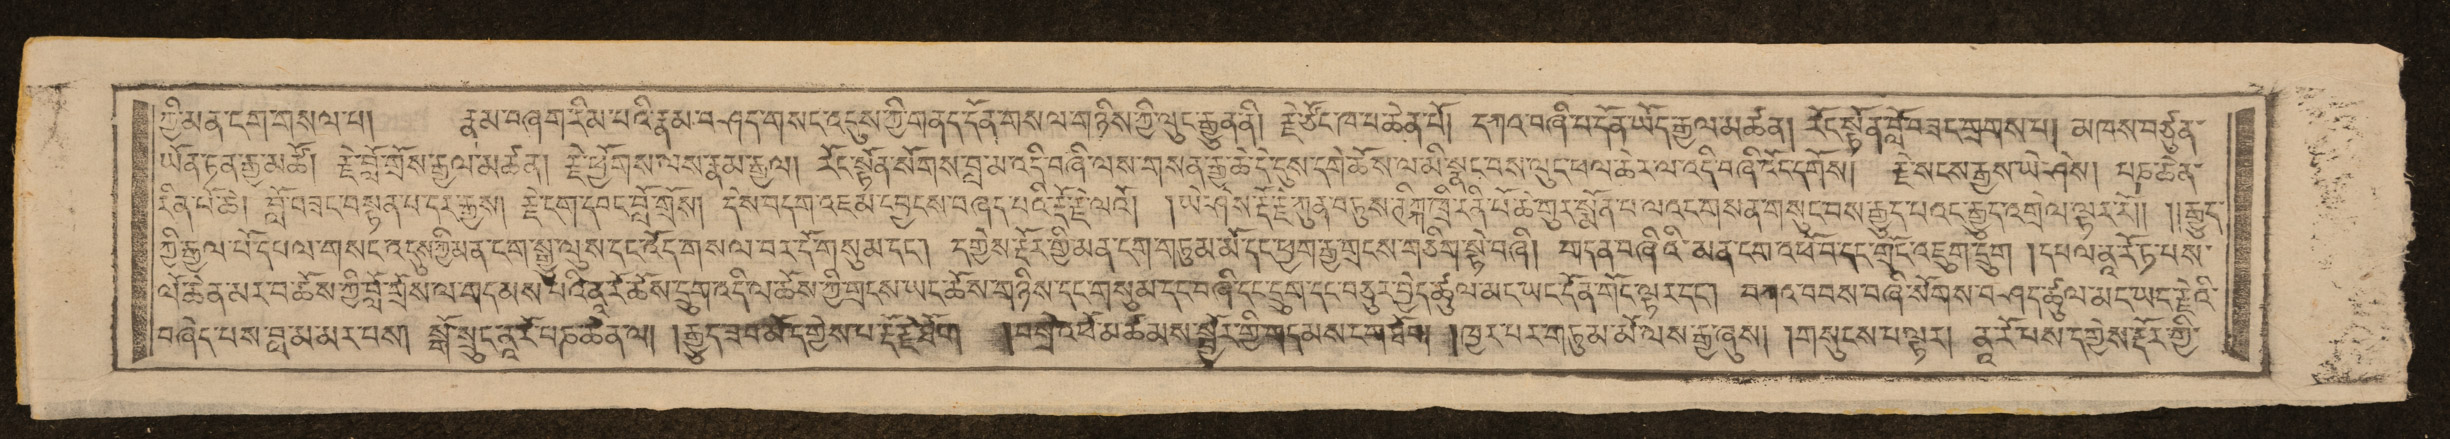ཀྱི་མན་དག་གསལ་པ། རྣམ་བཞག་རིམ་པའི་རྣམ་བཤད་གསད་འདུས་ཀྱི་གནད་དོན་གསལ་གཉིས་ཀྱི་ལུང་རྒྱུན་ནི། རྗེ་ཙོང་ཁ་བ་ཆེན་པོ། དཀའ་བཞི་བ་དོན་ཡོད་རྒྱལ་མཚན། རོང་སྟོན་བློ་བཟང་གྲགས་པ། མཁས་བཙུན་
ཡོན་ཏན་རྒྱ་མཚོ། རྗེ་བློ་གྲོས་རྒྱལ་མཚན། རྗེ་ཕྱོགས་ལས་རྣམ་རྒྱལ། རོང་སྟོན་སོགས་བླ་མ་འདི་བཞི་ལས་གསན་རྒྱ་ཆེ་དེ་དུས་དགེ་ཆོས་ལ་མི་སྣང་བས་ལུང་ཕལ་ཆེར་ལ་འདི་བཞི་འོང་དགོས། རྗེ་སངས་རྒྱས་ཡེ་ཤེས། པཎ་ཆེན་
རིན་པོ་ཆེ། བློ་བཟང་བསྟན་པ་དར་རྒྱས། རྗེ་ངག་དབང་བློ་གྲོས། དེས་བདག་འཇམ་དབྱངས་བཞད་པའི་རྡོ་རྗེ་ལའོ། །ཡེ་ཤེས་རྡོ་རྗེ་ཀུན་བཏུས་ཊིཀྐ་ཁྲིར་ནི་པོ་ཆེ་གུར་སྨོན་པ་ལའང་གསན་གསུང་པས་རྒྱུད་པའང་རྒྱུད་འགྲེལ་ལྟར་རོ།། །།རྒྱུད་
ཀྱི་རྒྱལ་པོ་དཔལ་གསང་འདུས་ཀྱི་མན་ངག་སྒྱུ་ལུས་དང་འོད་གསལ་བར་དོ་གསུམ་དང་། དགྱེས་རྡོར་གྱི་མན་ངག་གཏུམ་མོ་དང་ཕྱག་རྒྱ་གྲངས་གཅིག་སྟེ་བཞི། གདན་བཞིའི་མན་ངག་འཕོ་བ་དང་གྲོང་འཇུག་དྲུག །དཔལ་ནཱ་རོ་ཏ་པས་
ལོ་ཆེན་མར་བ་ཆོས་ཀྱི་བློ་གྲོས་ལ་གདམས་པའི་ནཱ་རོ་ཆོས་དྲུག་འདི་ལ་ཆོས་ཀྱི་གྲངས་ཡང་ཆོས་གཉིས་དང་གསུམ་དང་བཞི་དང་དྲུག་དང་བཅུར་བྱེད་ཚུལ་མང་ཡང་དོན་གོང་ལྟར་དང་། བཀའ་བབས་བཞི་སོགས་བཤད་ཚུལ་མང་ཡང་རྗེའི་
བཞེད་པས་བླ་མ་མར་པས། སྒོ་སྲུང་ནཱ་རོ་པཎ་ཆེན་ལ། །རྒྱུད་ཟབ་མོ་དགྱེས་པ་རྡོ་རྗེ་ཐོབ། །བསྲེ་འཕོ་མཚམས་སྦྱོར་གྱི་གདམས་ངག་ཐོབ། །ཁྱར་པར་གཏུམ་མོ་ལས་རྒྱ་ཞུས། །གསུངས་པ་ལྟར། ནཱ་རོ་པས་དགྱེས་རྡོར་གྱི་